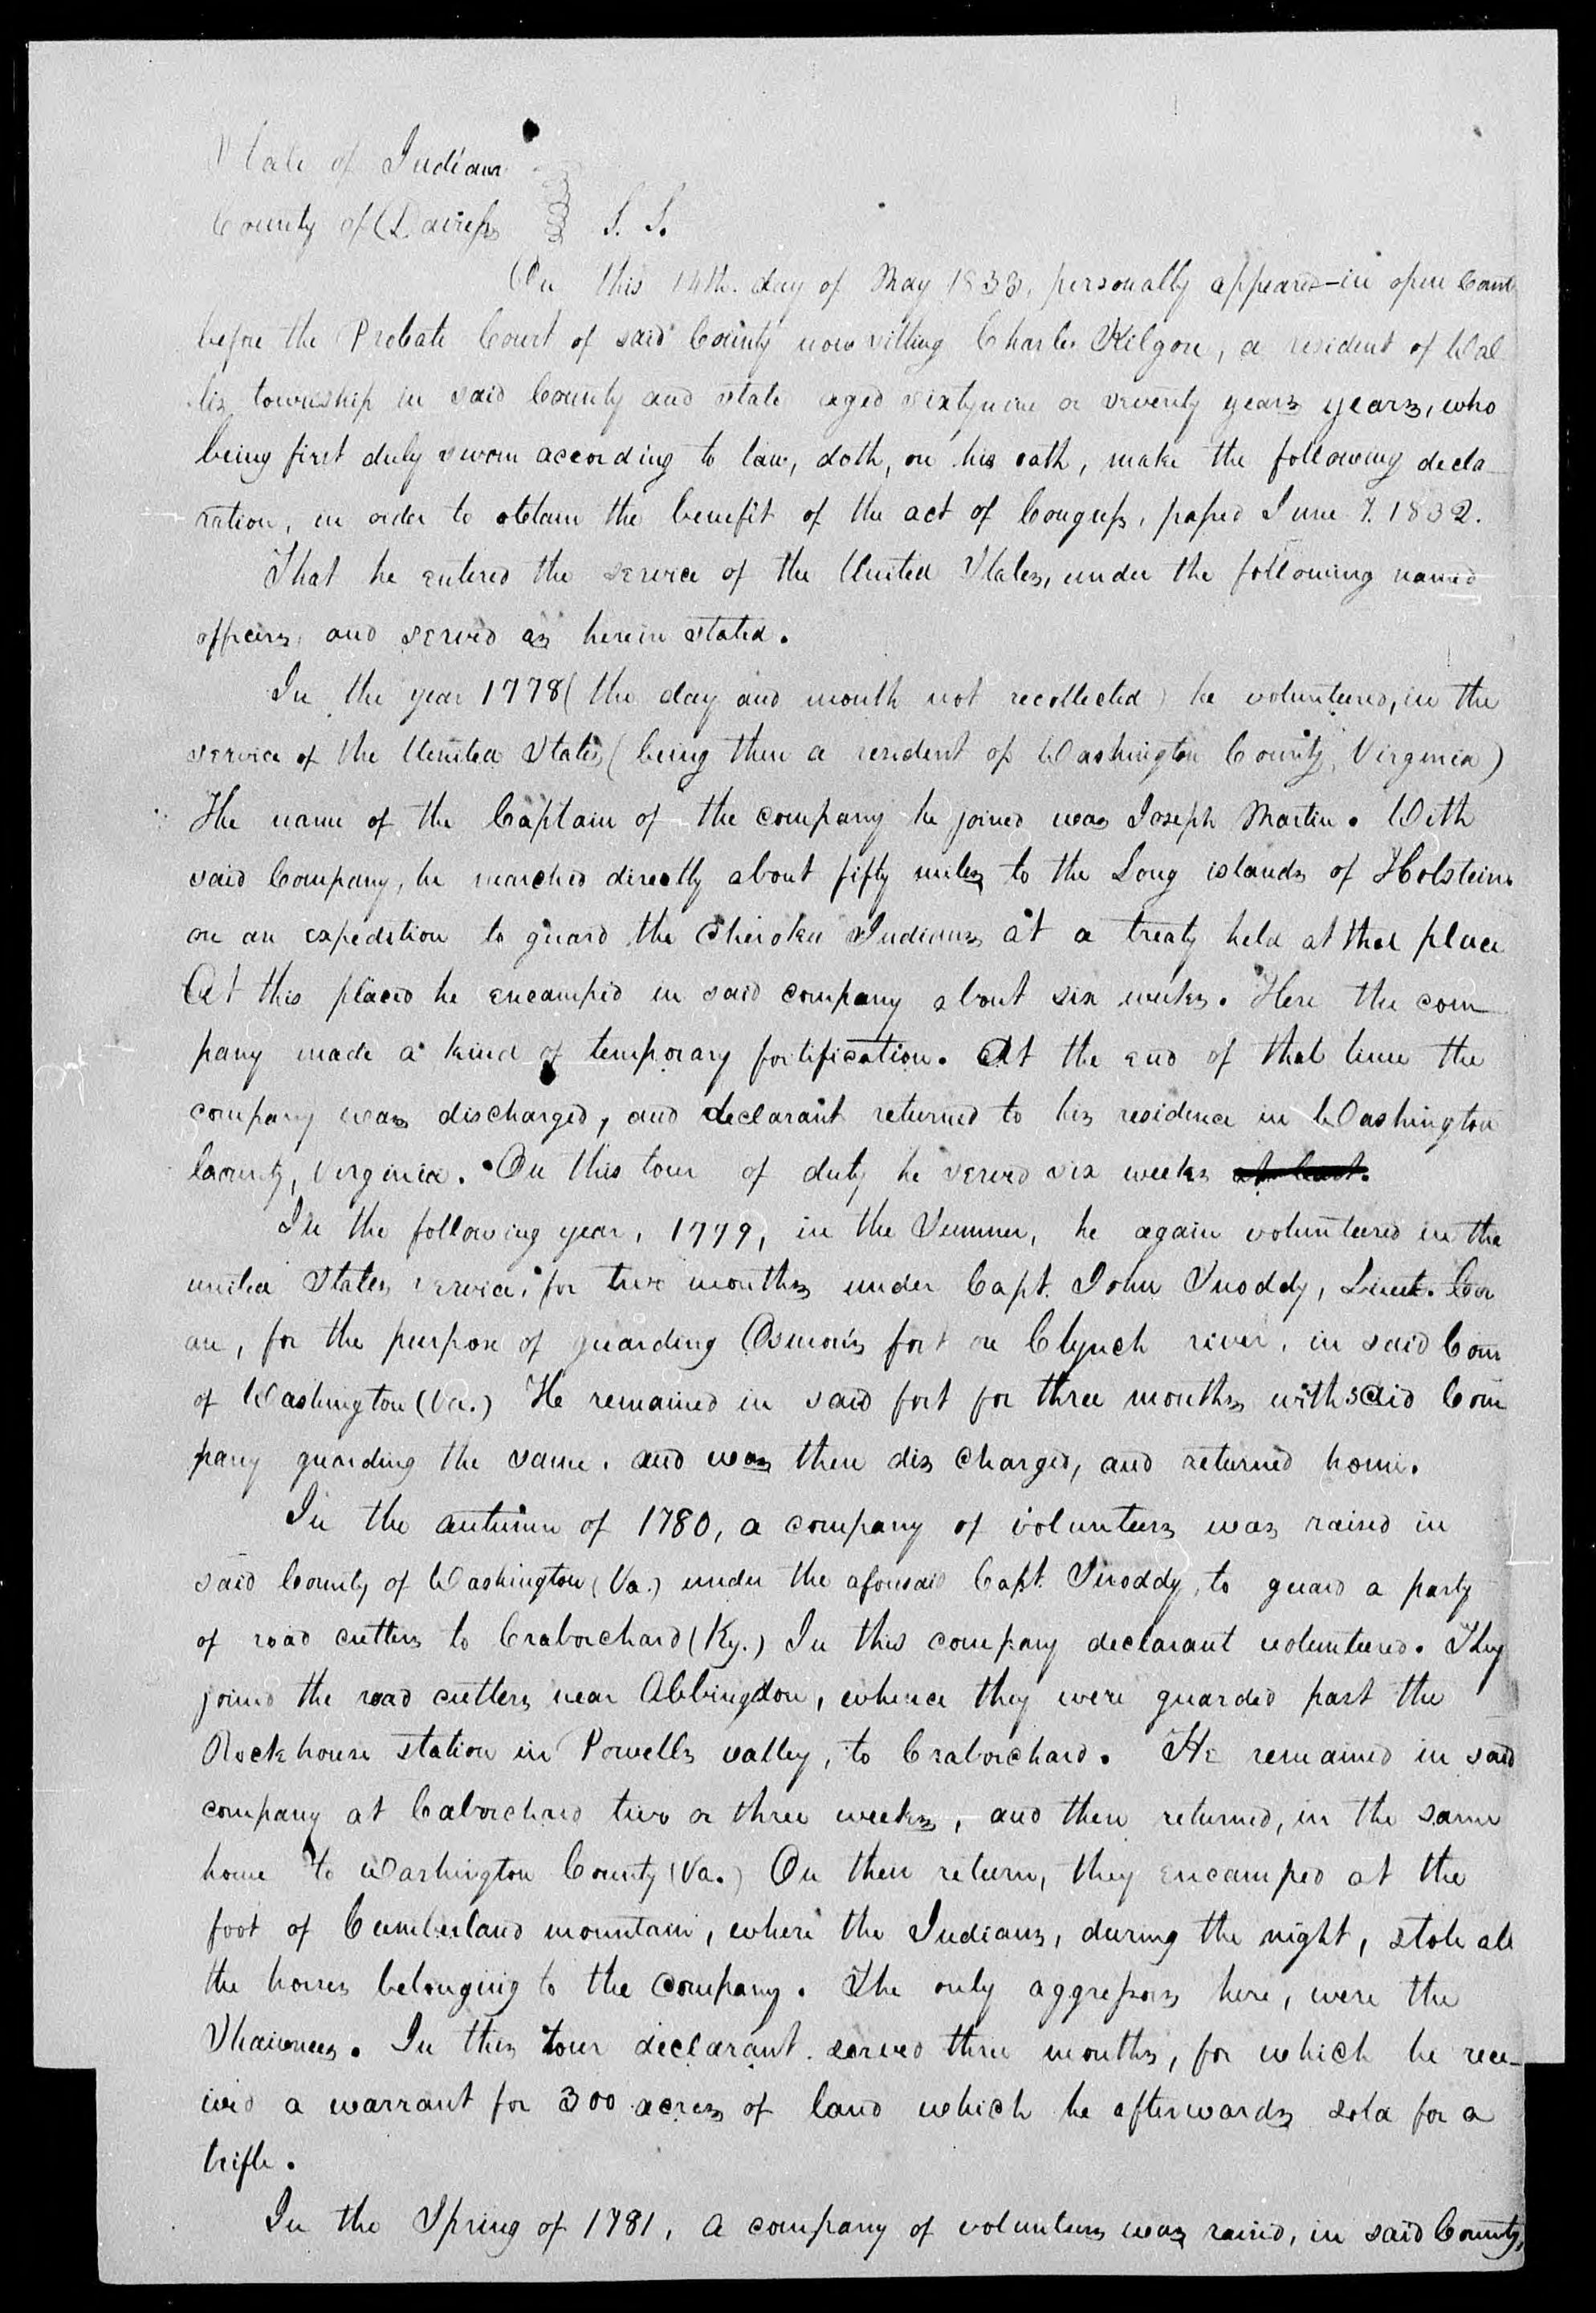State of Indiana
County of Daviess S.S.
On this 14th day of May 1833, personally appeared in open Court before the Probate Court of said County now sitting Charles Kilgore, a resident of Wallis township in said County and State aged sixty nine or seventy years years, who being first duly sworn according to law, doth, on his oath, make the following declaration, in order to obtain the benefit of the act of Congress, passed June 7. 1832.
That he entered the service of the United States, under the following named officers, and served as herein stated.
In the year 1778 (the day and month not recollected) he volunteered, in the service of the United States (being then a resident of Washington County, Virginia) The name of the Captain of the company he joined was Joseph Martin. With said Company, he marched directly about fifty miles to the Long islands of Holsteins on an expedition to guard the Cherokee Indians at a treaty held at that place. At this place he encamped in said company about six weeks. Here the company made a kind of temporary fortification. At the end of that time the company was discharged, and declarant returned to his residence in Washington County, Virginia. On this tour of duty he served six weeks [crossed out: at least].
In the following year, 1779, in the Summer, he again volunteered in the United States service for two months under Capt. John Snoddy, Lieut.  Coran, for the purpose of guarding Osmon's fort on Clynch river, in said Coun of Washington (Va.) He remained in said fort for three months with said Company guarding the same, and was then discharged, and returned home.
In the autumn of 1780, a company of volunteers was raised in said County of Washington (Va.) under the aforesaid Capt. Snoddy to guard a party of road cutters to Craborchard [Crab Orchard] (Ky.) In this company declarant volunteered. They joined the road cutters near Abbingdon [Abingdon], whence they were guarded part the Blockhouse station in Powells Valley, to Craborchard. He remained in said company at Caborchard two or three weeks, and then returned, in the same home to Washington County (Va.) On their return, they encamped at the foot of Cumberland mountain, where the Indians, during the night, stole all the horses belonging to the company. The only aggressors here, were the Shawnees. In this tour declarant served three months, for which he received a warrant for 300 acres of land which he afterwards sold for a trifle.
In the Spring of 1781, a company of volunteers was rained, in said County,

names: Joseph Martin; John Snoddy; [BLANK] Cowan; Charles Kilgore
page: 48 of 115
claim: survivor's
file: S. 699, for Charles Kilgore, Virginia